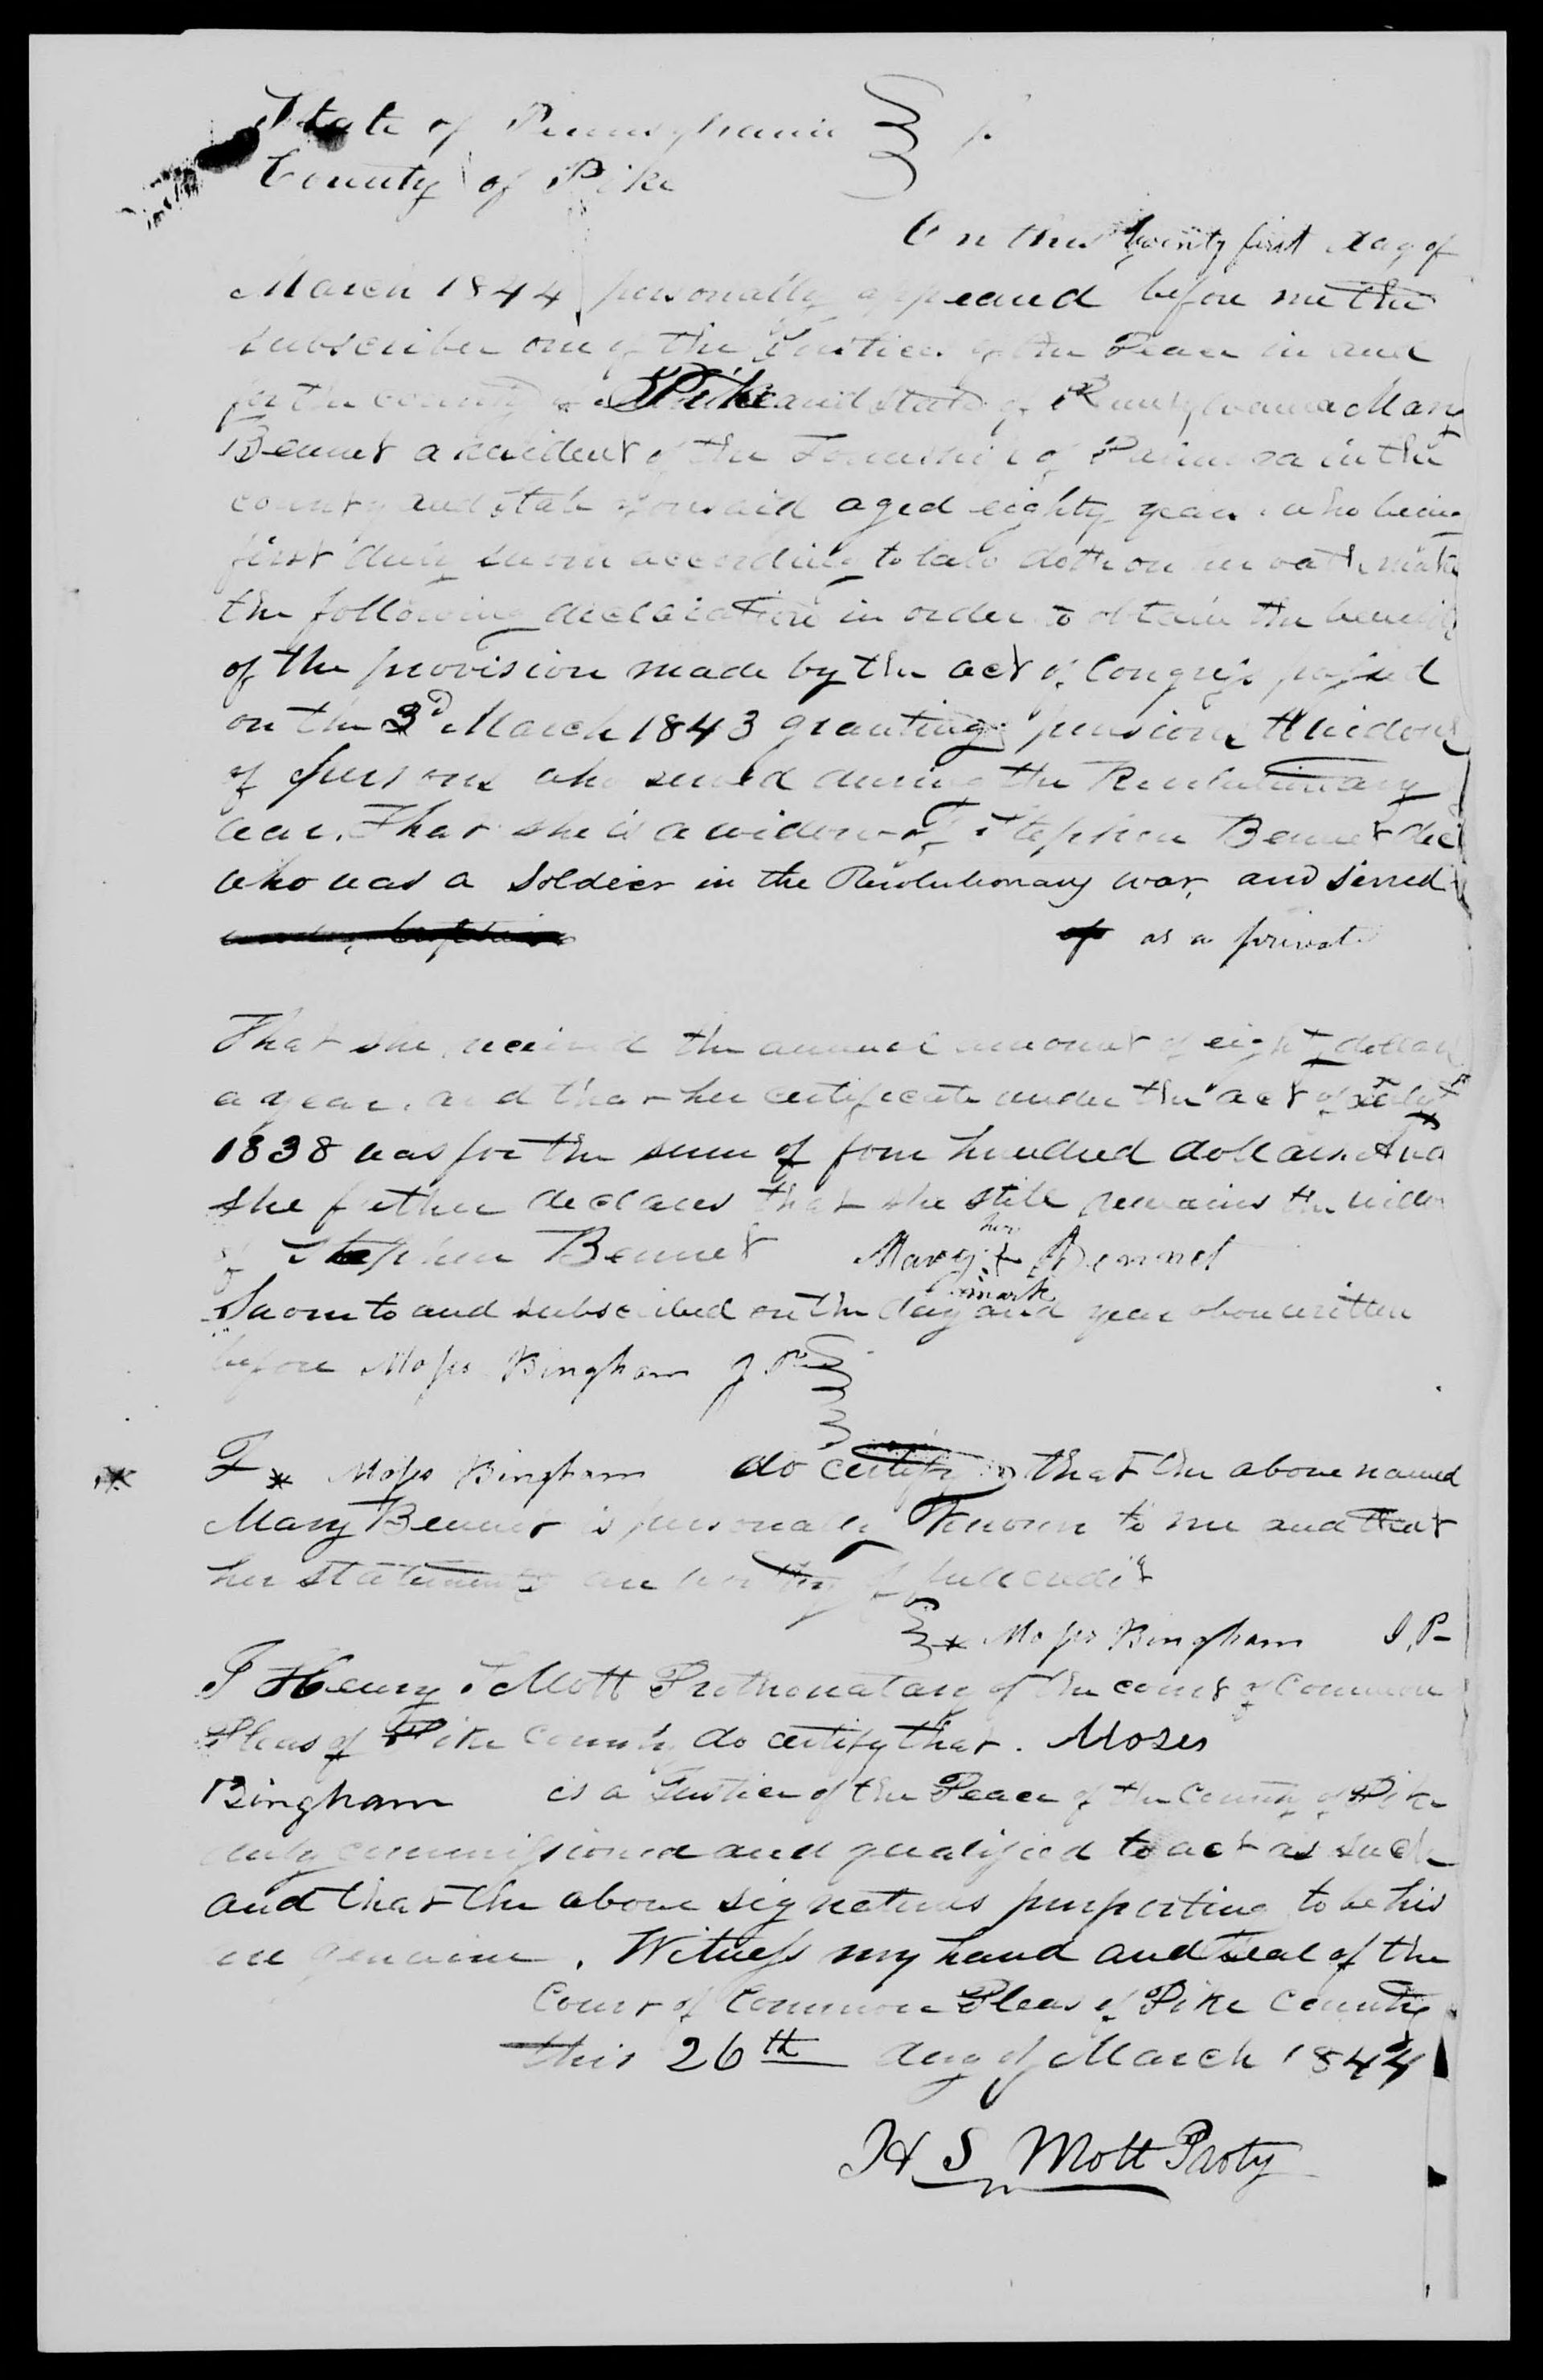State of Pennsylvania County of Pike } On this twenty first day of March 1844 personally appeared before me the subscriber one of the Justice of the Peace in and for the county of Pike and State of Pennsylvania Mary Bennet a resident of the Said Papers in the county and State foresaid aged eighty years who being first duly sworn according to law dothon and make the following declaration in order to obtain the bed of the provision made by the act of Congress pased on the 3d March 1843 granting pension under of persons who served during the Revolutionary lear, That she is a widow of Stephen Bennett who lead a soldier in the Revolutionary war, and served as a private That she received the annual amount of eight dollar a year, and that her certificate under the act of 1838 was for the sum of four hundred dollars And She futher declared that she still remains I will Stephen Bennet her Mary Bennet Sworn to and subscribed on the day and year above written before Moses Bingham J. ⎬ Moses Bingham do certify, that the above named Mary Benner is personally known to me and that her statement are with full credit to May Bingham J. P. Henry Mott Prothonotary of Second Common Pleas of Pike County do certify that Moses Bingham is a Justice of the Peace of the County of Pike only commissioned and qualified to act as such and that the above signatures purporting to be his amine. Witness my hand and seal of the
Court of Common Pleas of Pike County this 26th of March 1844 H S Mott Proty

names: Moses Bingham, Stephen Bennet, H S Mott, Moses Bingham, Mary Bennet, Stephen Bennet, Moses Bingham, Mary Bennet, Mary Bennet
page: 71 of 79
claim: widow's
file: W. 2,906, Stephen Bennet, Conn.